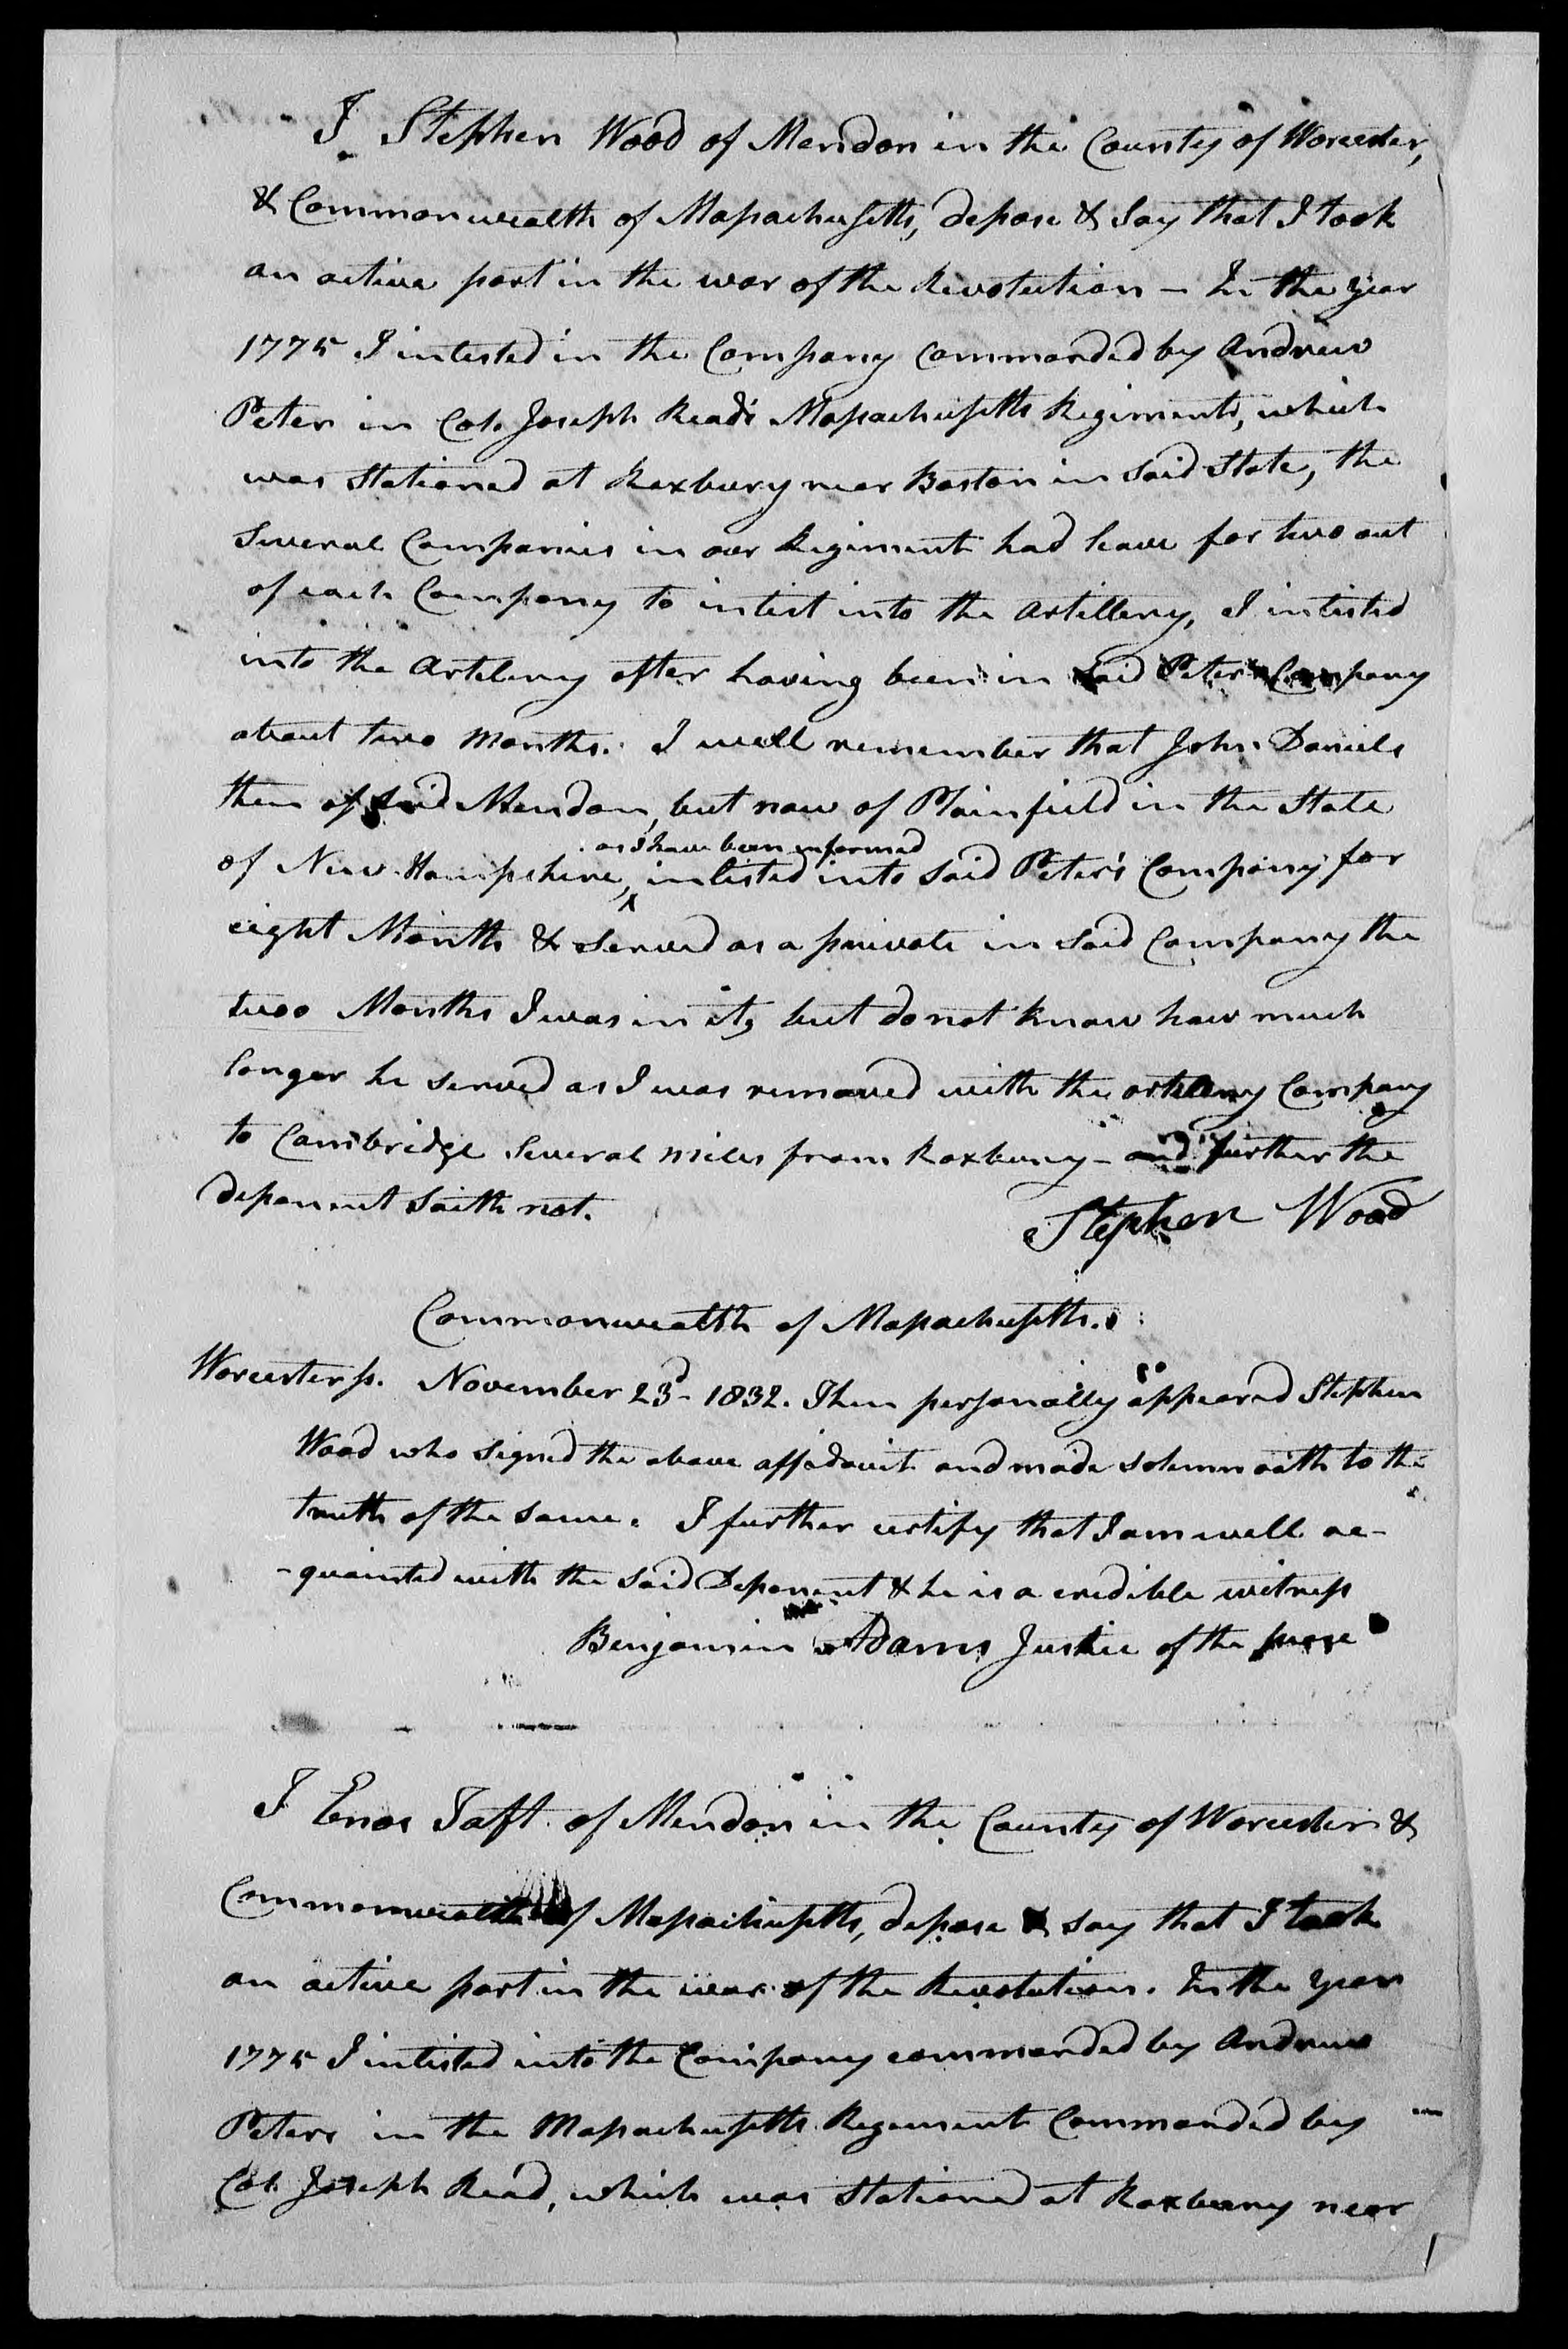I Stephen Wood of Mendon in the County of Worcester,
& Commonwealth of Massachusetts, depose & say that I took
an active part in the war of the Revolution. In the year
1775 I enlisted in the Company commanded by Andrew
Peter in Col Joseph Read Massachusetts Regiment, which
was stationed at Roxbury near Boston in said State, the
several companies in our Regiment had leave for two out
of said Company to enlist into the artillery, I enlisted
into the Artillery after having been in said Peter Company
about two months.  I well remember that John Daniels
then of said Mendon, but now of Plainfield in the State of
New Hampshire (insert) and I have been informed, enlisted into said Peter's Company for eight month & served as a private in said Company the
two months I was in it, but do not know how much
longer he served as I was removed with the other Company
to Cambridge Several miles from Roxbury--further the
deponent saith not.
Stephen Wood


Worcester ss.
Commonwealth of Massachusetts
November 23d 1832. Then personally appeared Stephen
Wood who signed the above affidavit and made solemn oath to the
truth of the same. I further certify that I am well acquainted 
with the said Deponent & he is a credible witness.
Benjamin Adams Justice of the Peace

I Enos Taft of Mendon in the County of Worcester &
Commonwealth of Massachusetts depose & say that I took
an active part in the war of the Revolution. In the year
1775 I enlisted into the Company commanded by Andrew
Peters in the Massachusetts Regiment commanded by
Col. Joseph Read, which was stationed at Roxbury near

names: Andrew Peters, Benjamin Adams, Stephen Wood, Stephen Wood, John Daniels, Enos Taft, Joseph Read, Andrew Peters, Stephen Wood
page: 24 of 43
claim: widow's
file: W 683, John Daniels, Continental Mass. N.H.